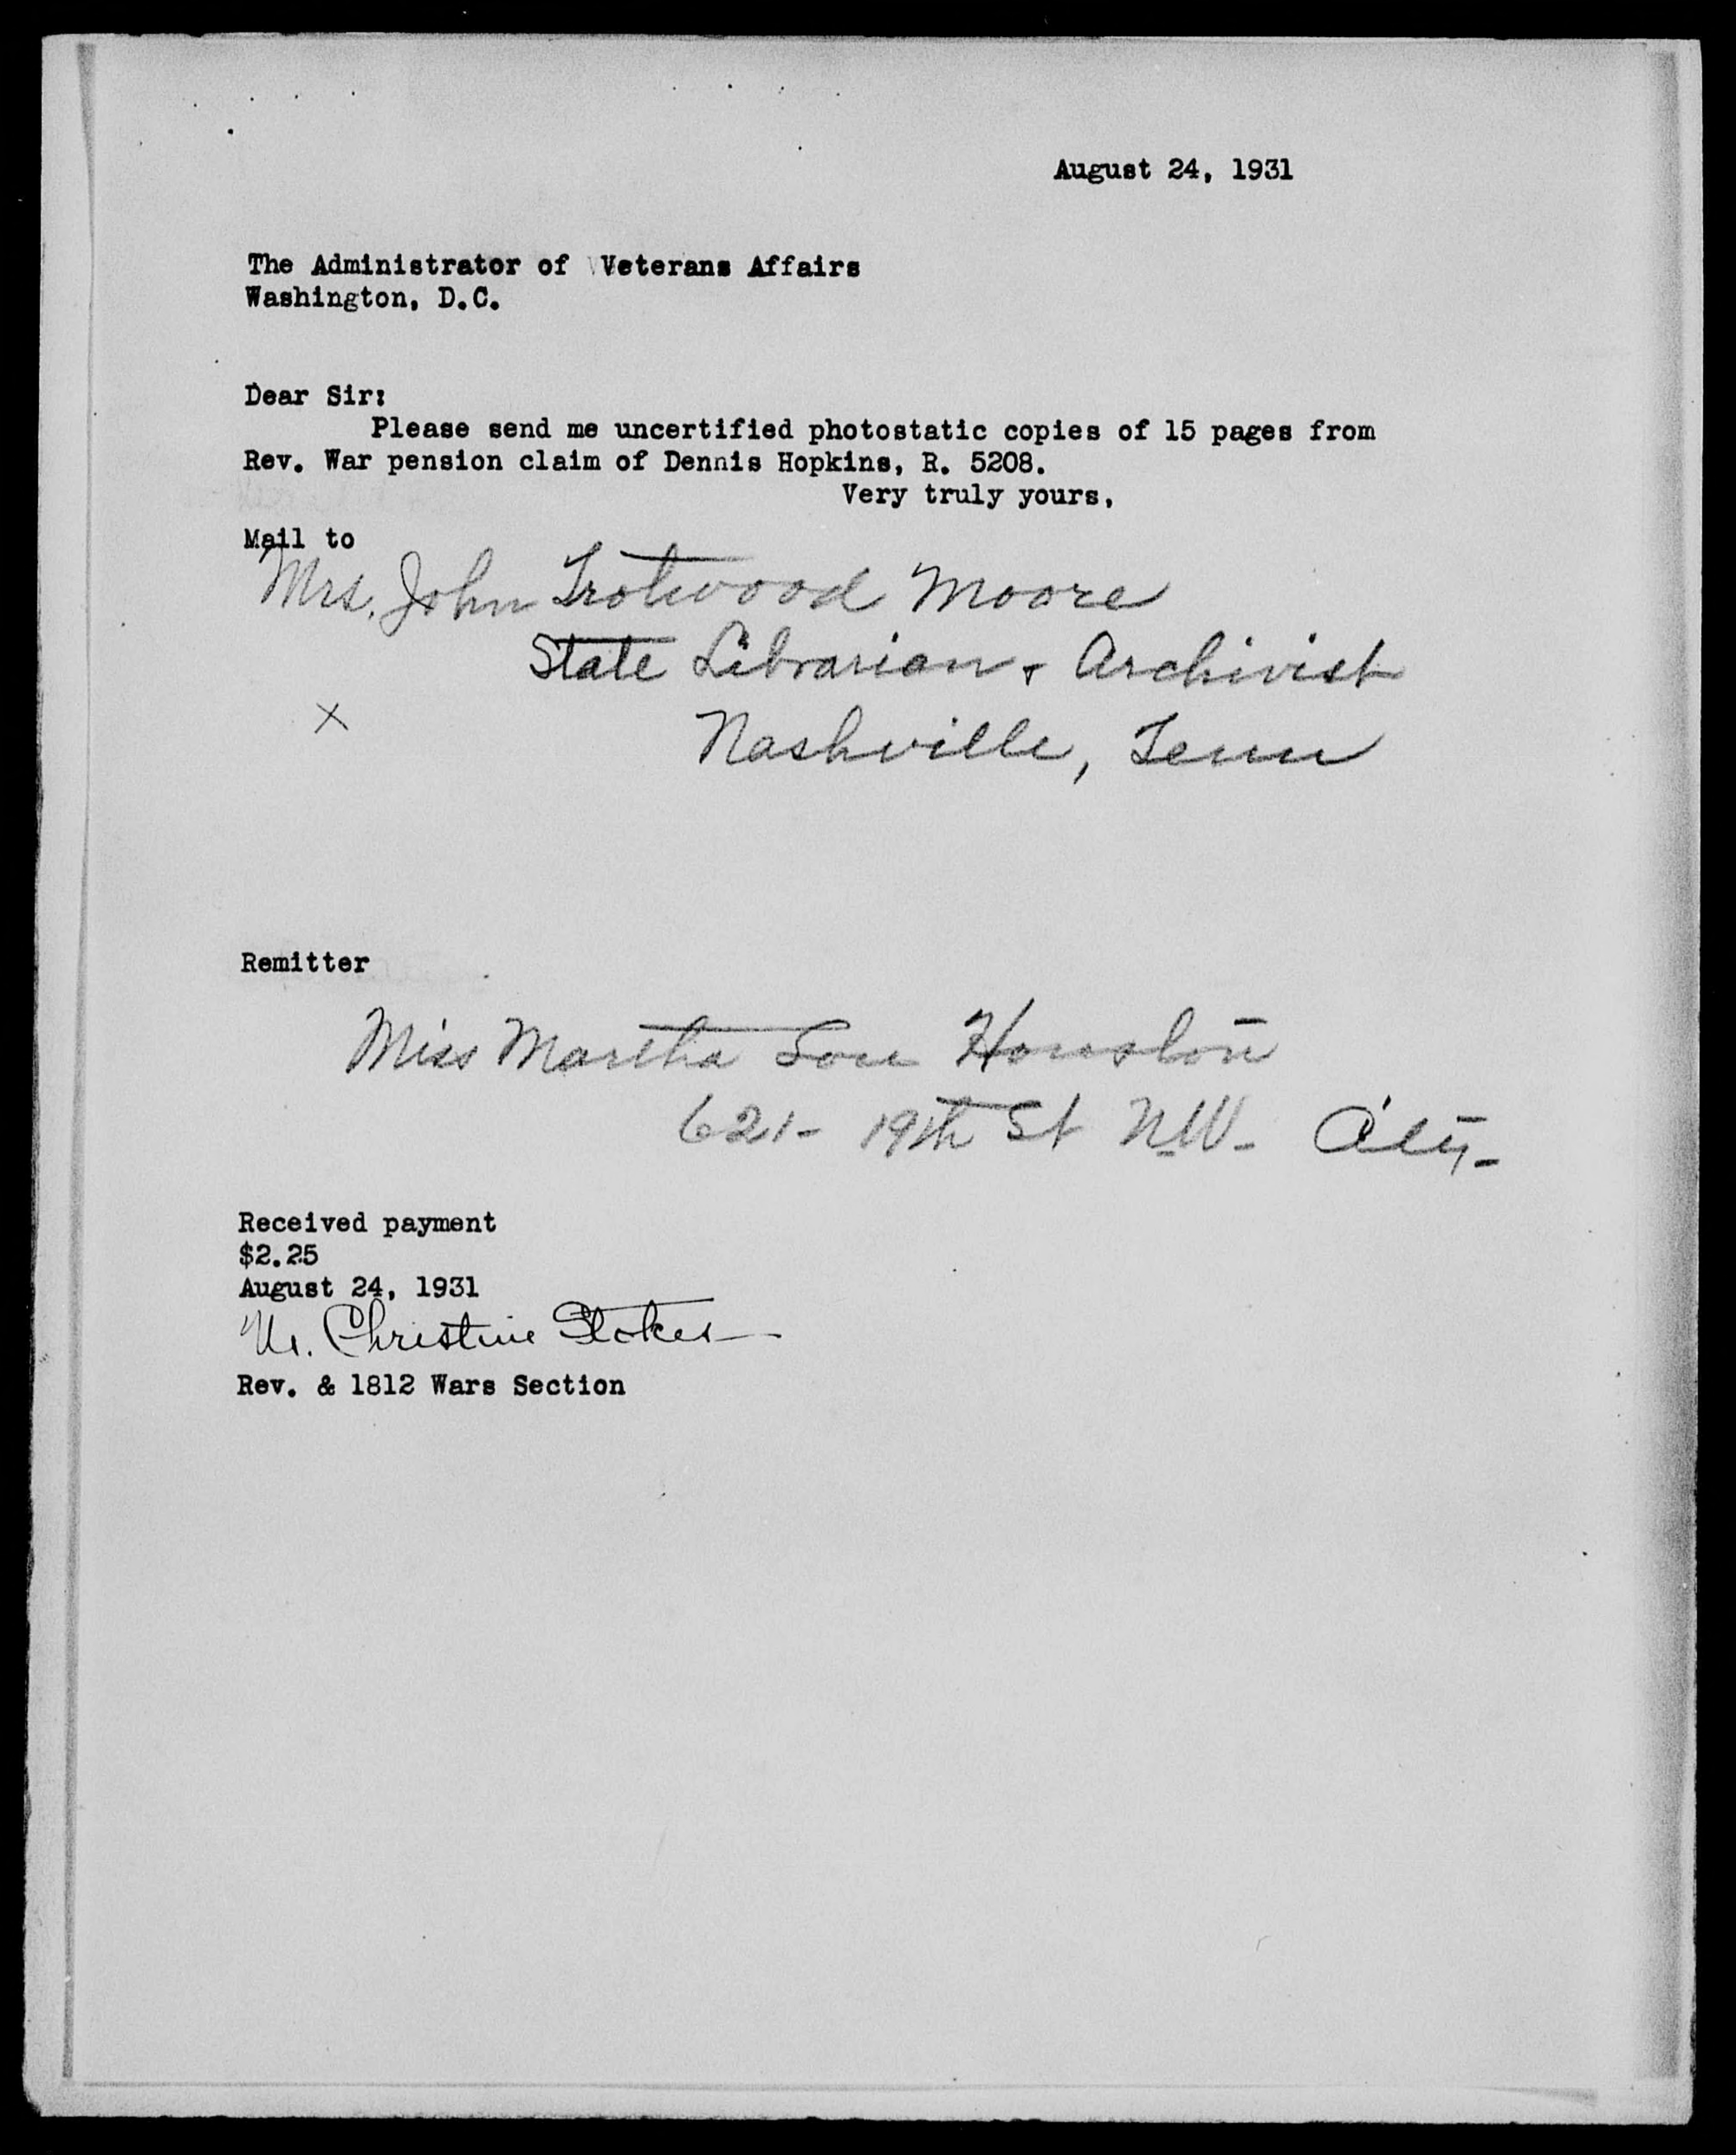August 24, 1931
The Administrator of Veterans Affairs
Washington, D.C.

Dear Sir,
Please send me uncertified photostatic copies of 15 pages from Rev. War pension claim of Dennis Hopkins, R. 5208.
Very truly yours,

Mail to
Mrs. John Trotwood Moore
State Librarian & Archivist
Nashville, Tenn

Remitter
Miss Martha Lou Houston
621 19th St. N.W. City

Received payment
$2.25
August 24, 1931
Ms. Christine Stokes
Rev. & 1812 Wars Section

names: Dennis Hopkins, John Trotwood Moore, Martha Lou Houston, Christine Stokes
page: 59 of 144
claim: rejected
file: R. 5208, Dennis Hopkins, N.C.